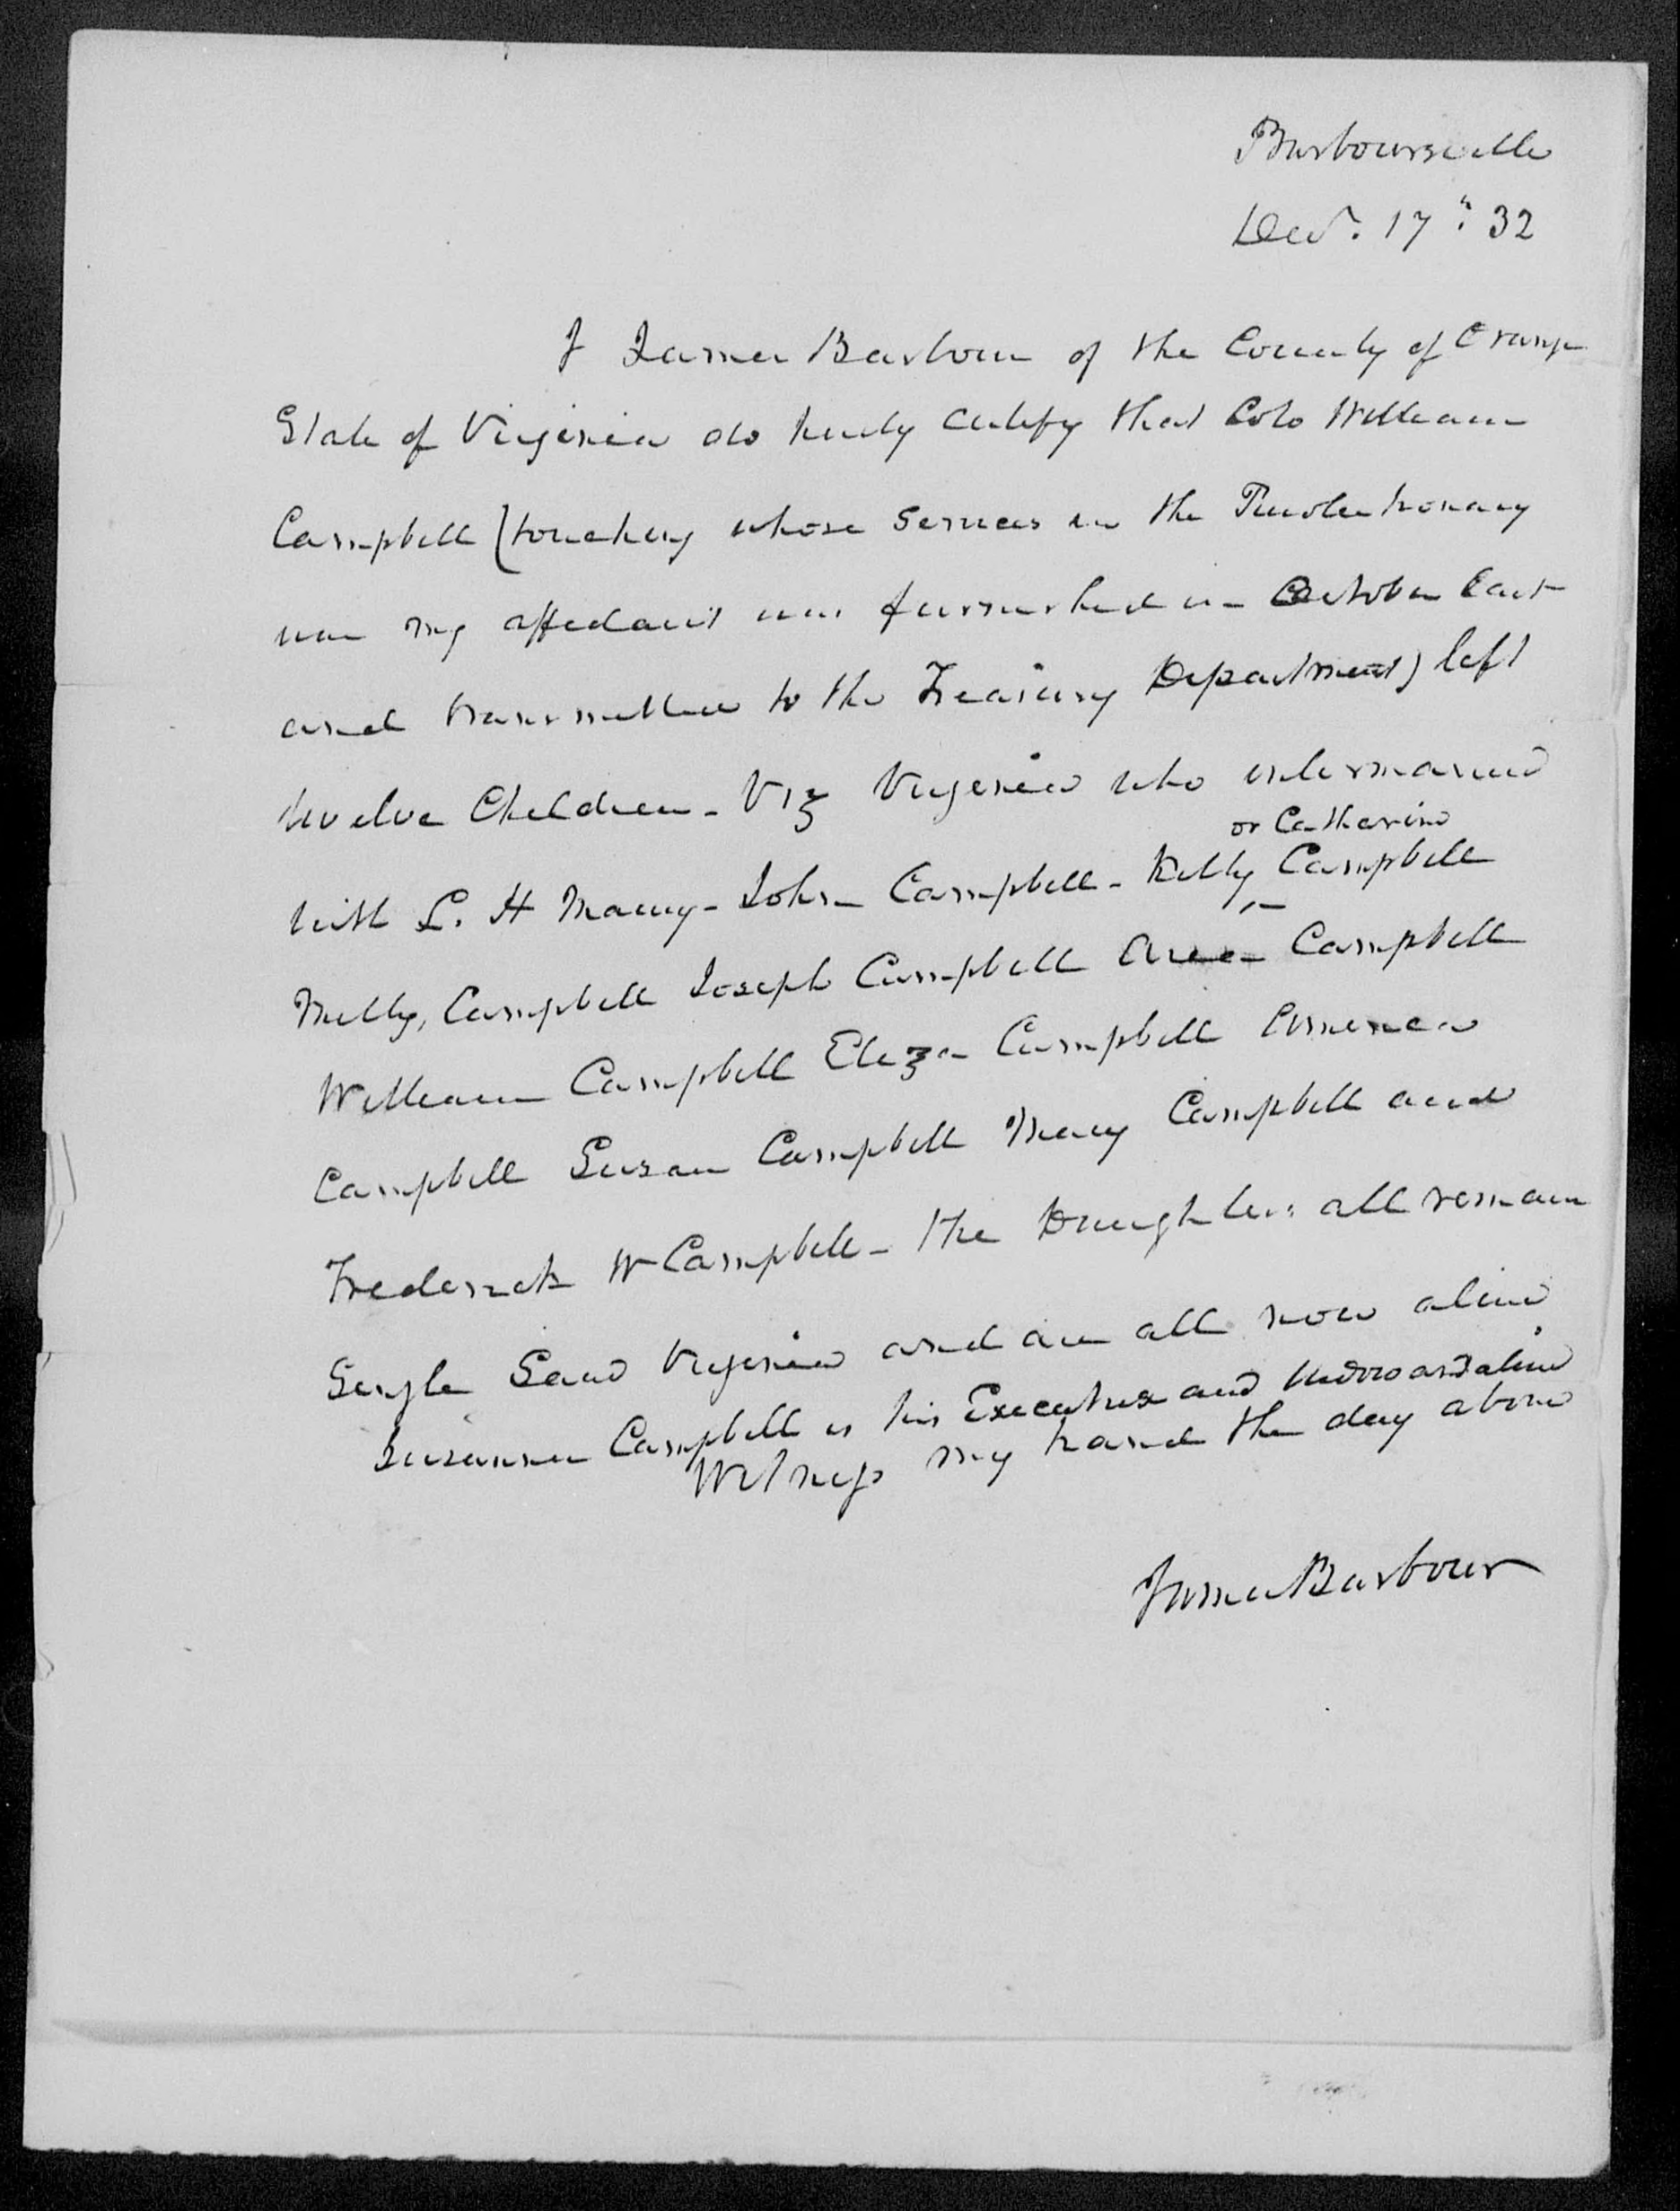Barboursville
Decr. 17th '32

 I James Barbour of the County of Orange State of Virginia do hereby certify that Colo William Campbell (touching whose services in the Revolutionary war my affidavit was furnished in October last and Never mattered to the Hearing Department) left twelve Children __ Viz  Virginia who only married with L. H Maury _ John Campbell __ Kelly or Catharine Campbell Milly, Campbell Joseph  Campbell  Arria Campbell wi llama Campbell  Eliza Campbell  America Campbell  Susan Campbell  Mary Campbell and Frederick W Campbell __ the Daughters all remain Single Save Virginia and are all now alive 
Susanna Campbell is his Executrix and widow are alive
Witness my hand the day above

James Barbour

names: Susanna Campbell, William Campbell, L H Maury, Kelly Campbell, William Campbell, America Campbell, Mary Campbell, Catharine Campbell, James Barbour, John Campbell, Aree Campbell, Joseph Campbell, Nabby Campbell, Eliza Campbell, Frederick W Campbell, Susan Campbell, James Barbour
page: 75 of 267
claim: widow's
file: W. 4,149, William Campbell, Va.